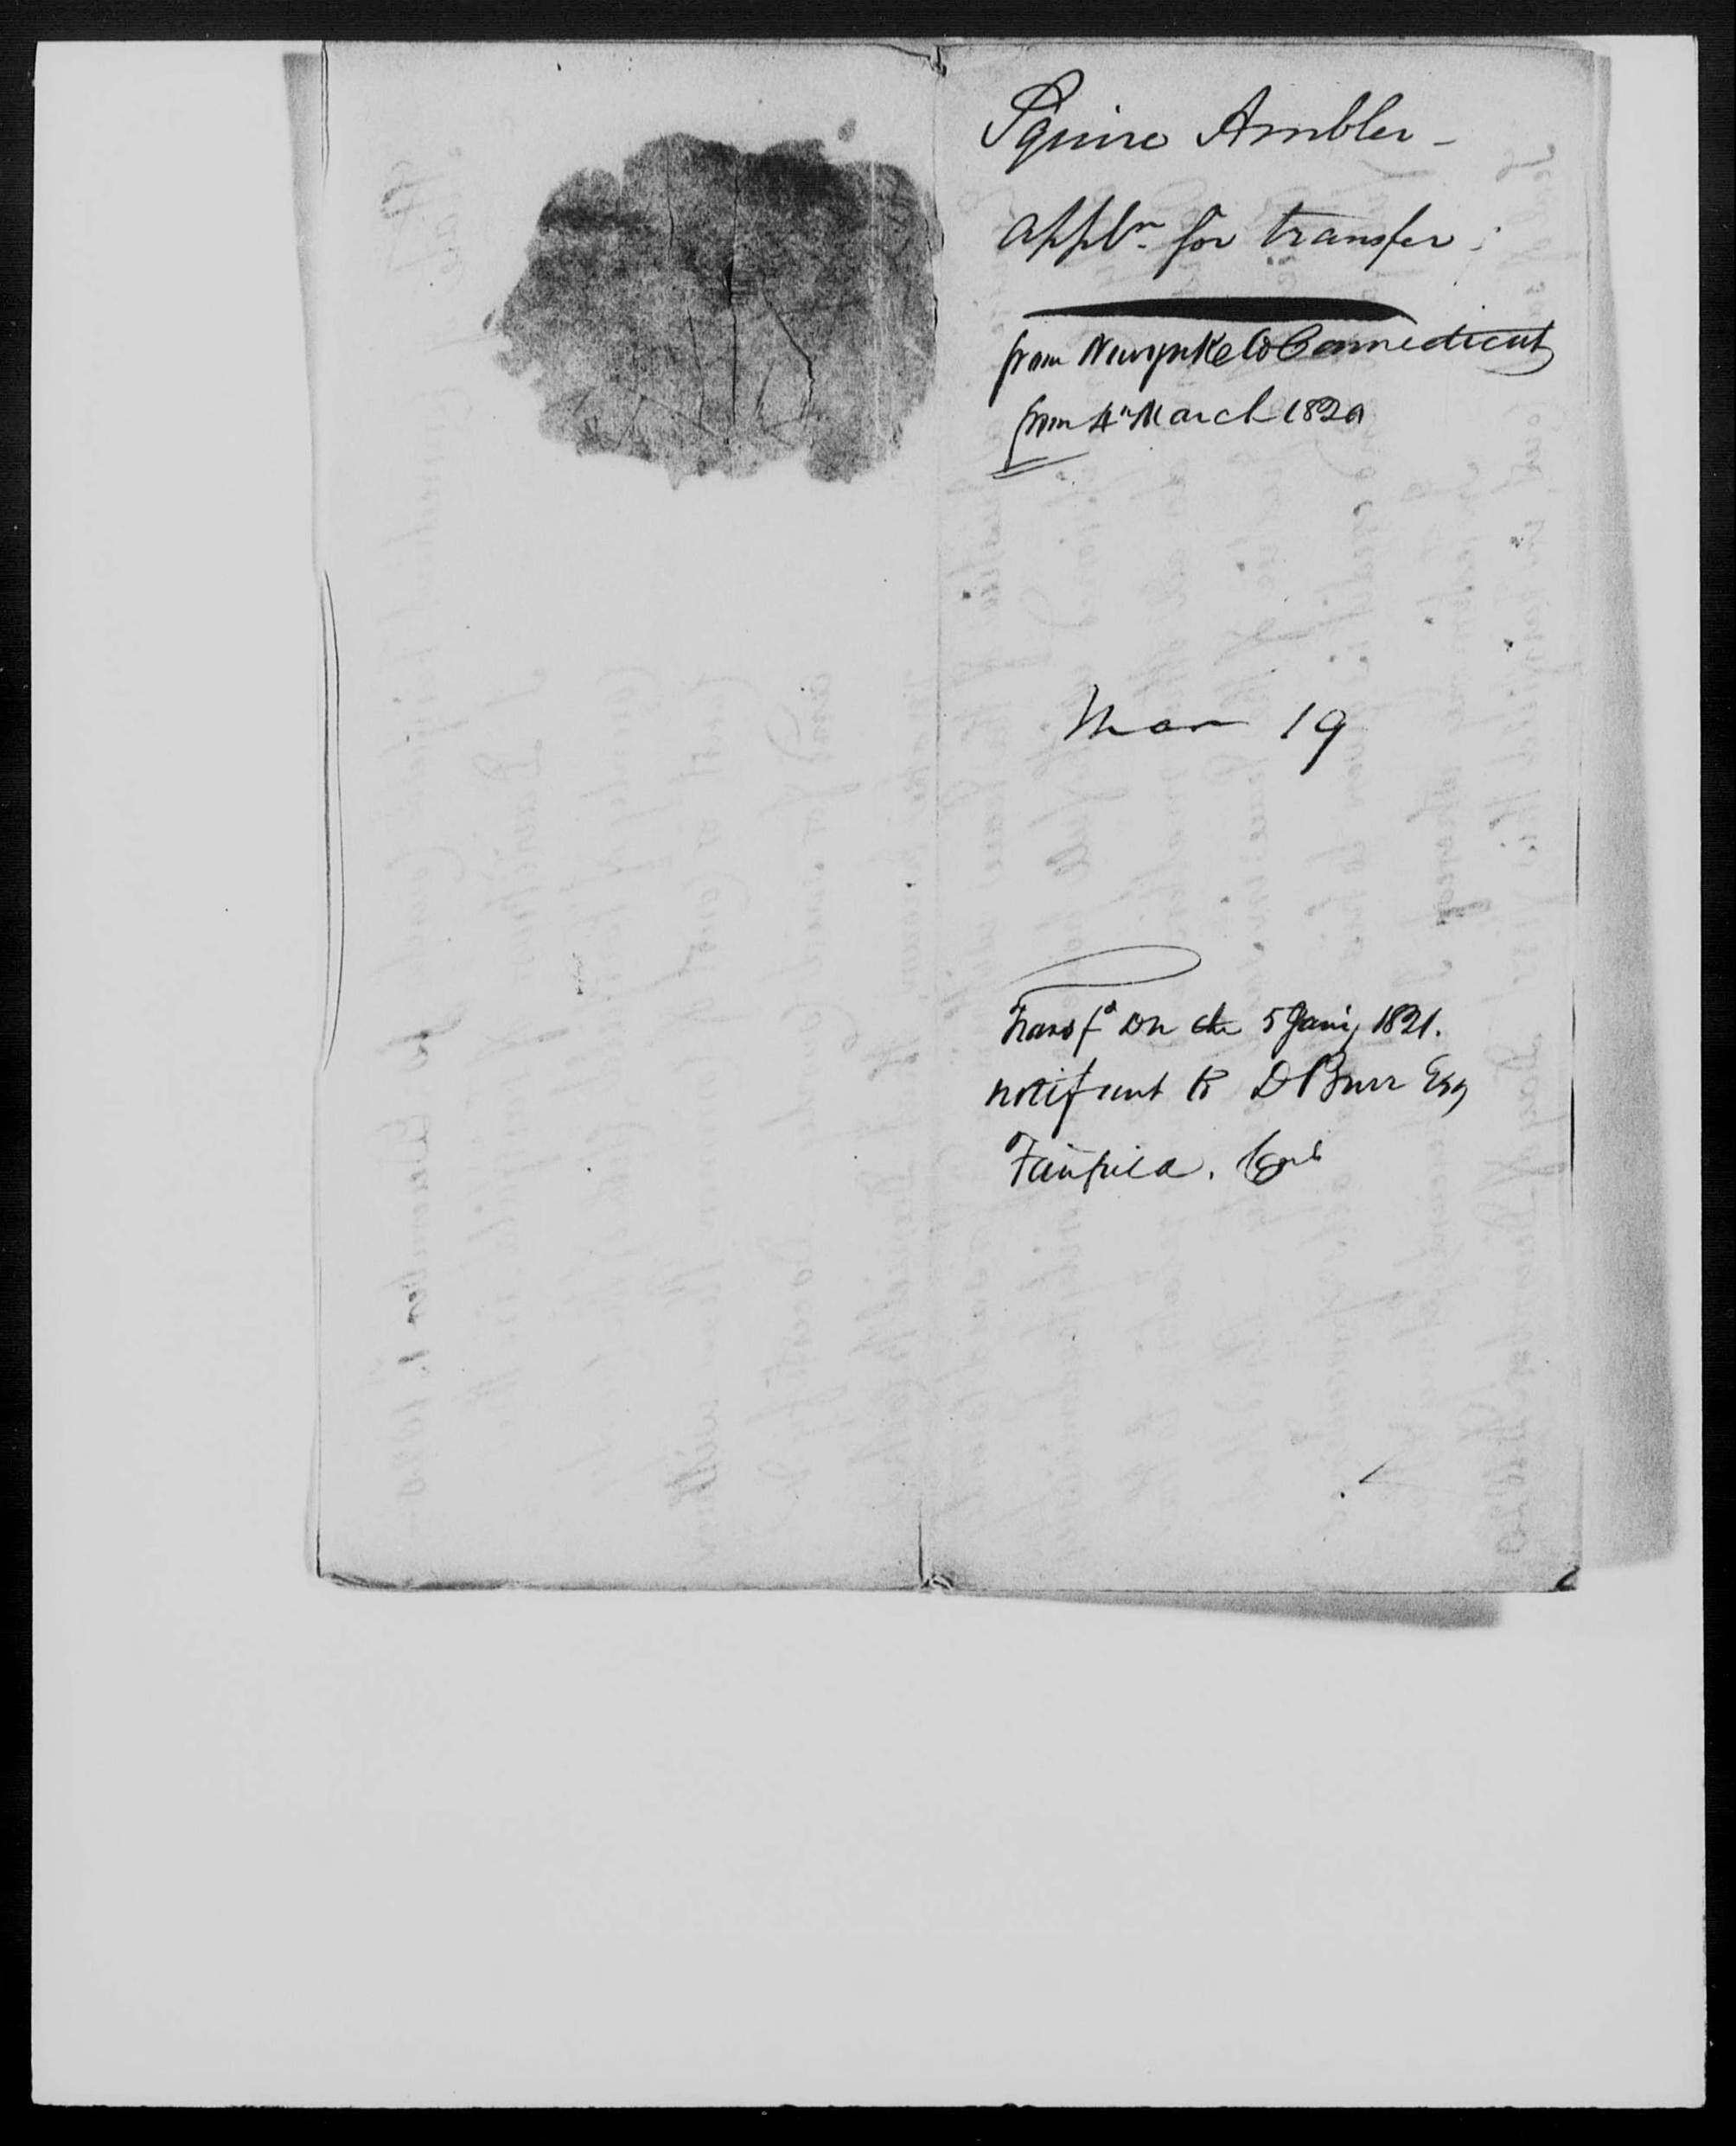Squire Ambler
Application for transfer from New York to Connecticut from 4th March 1820
Mar 19
have on the 5 Jany [January] 1821.
notifient to D Burr Esq
Fairfield, Conn. [Connecticut]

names: Squire Ambler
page: 34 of 39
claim: widow's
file: W. 2,056, Squire Ambler, Continental (Sol. Res. In N.Y. & Conn.)